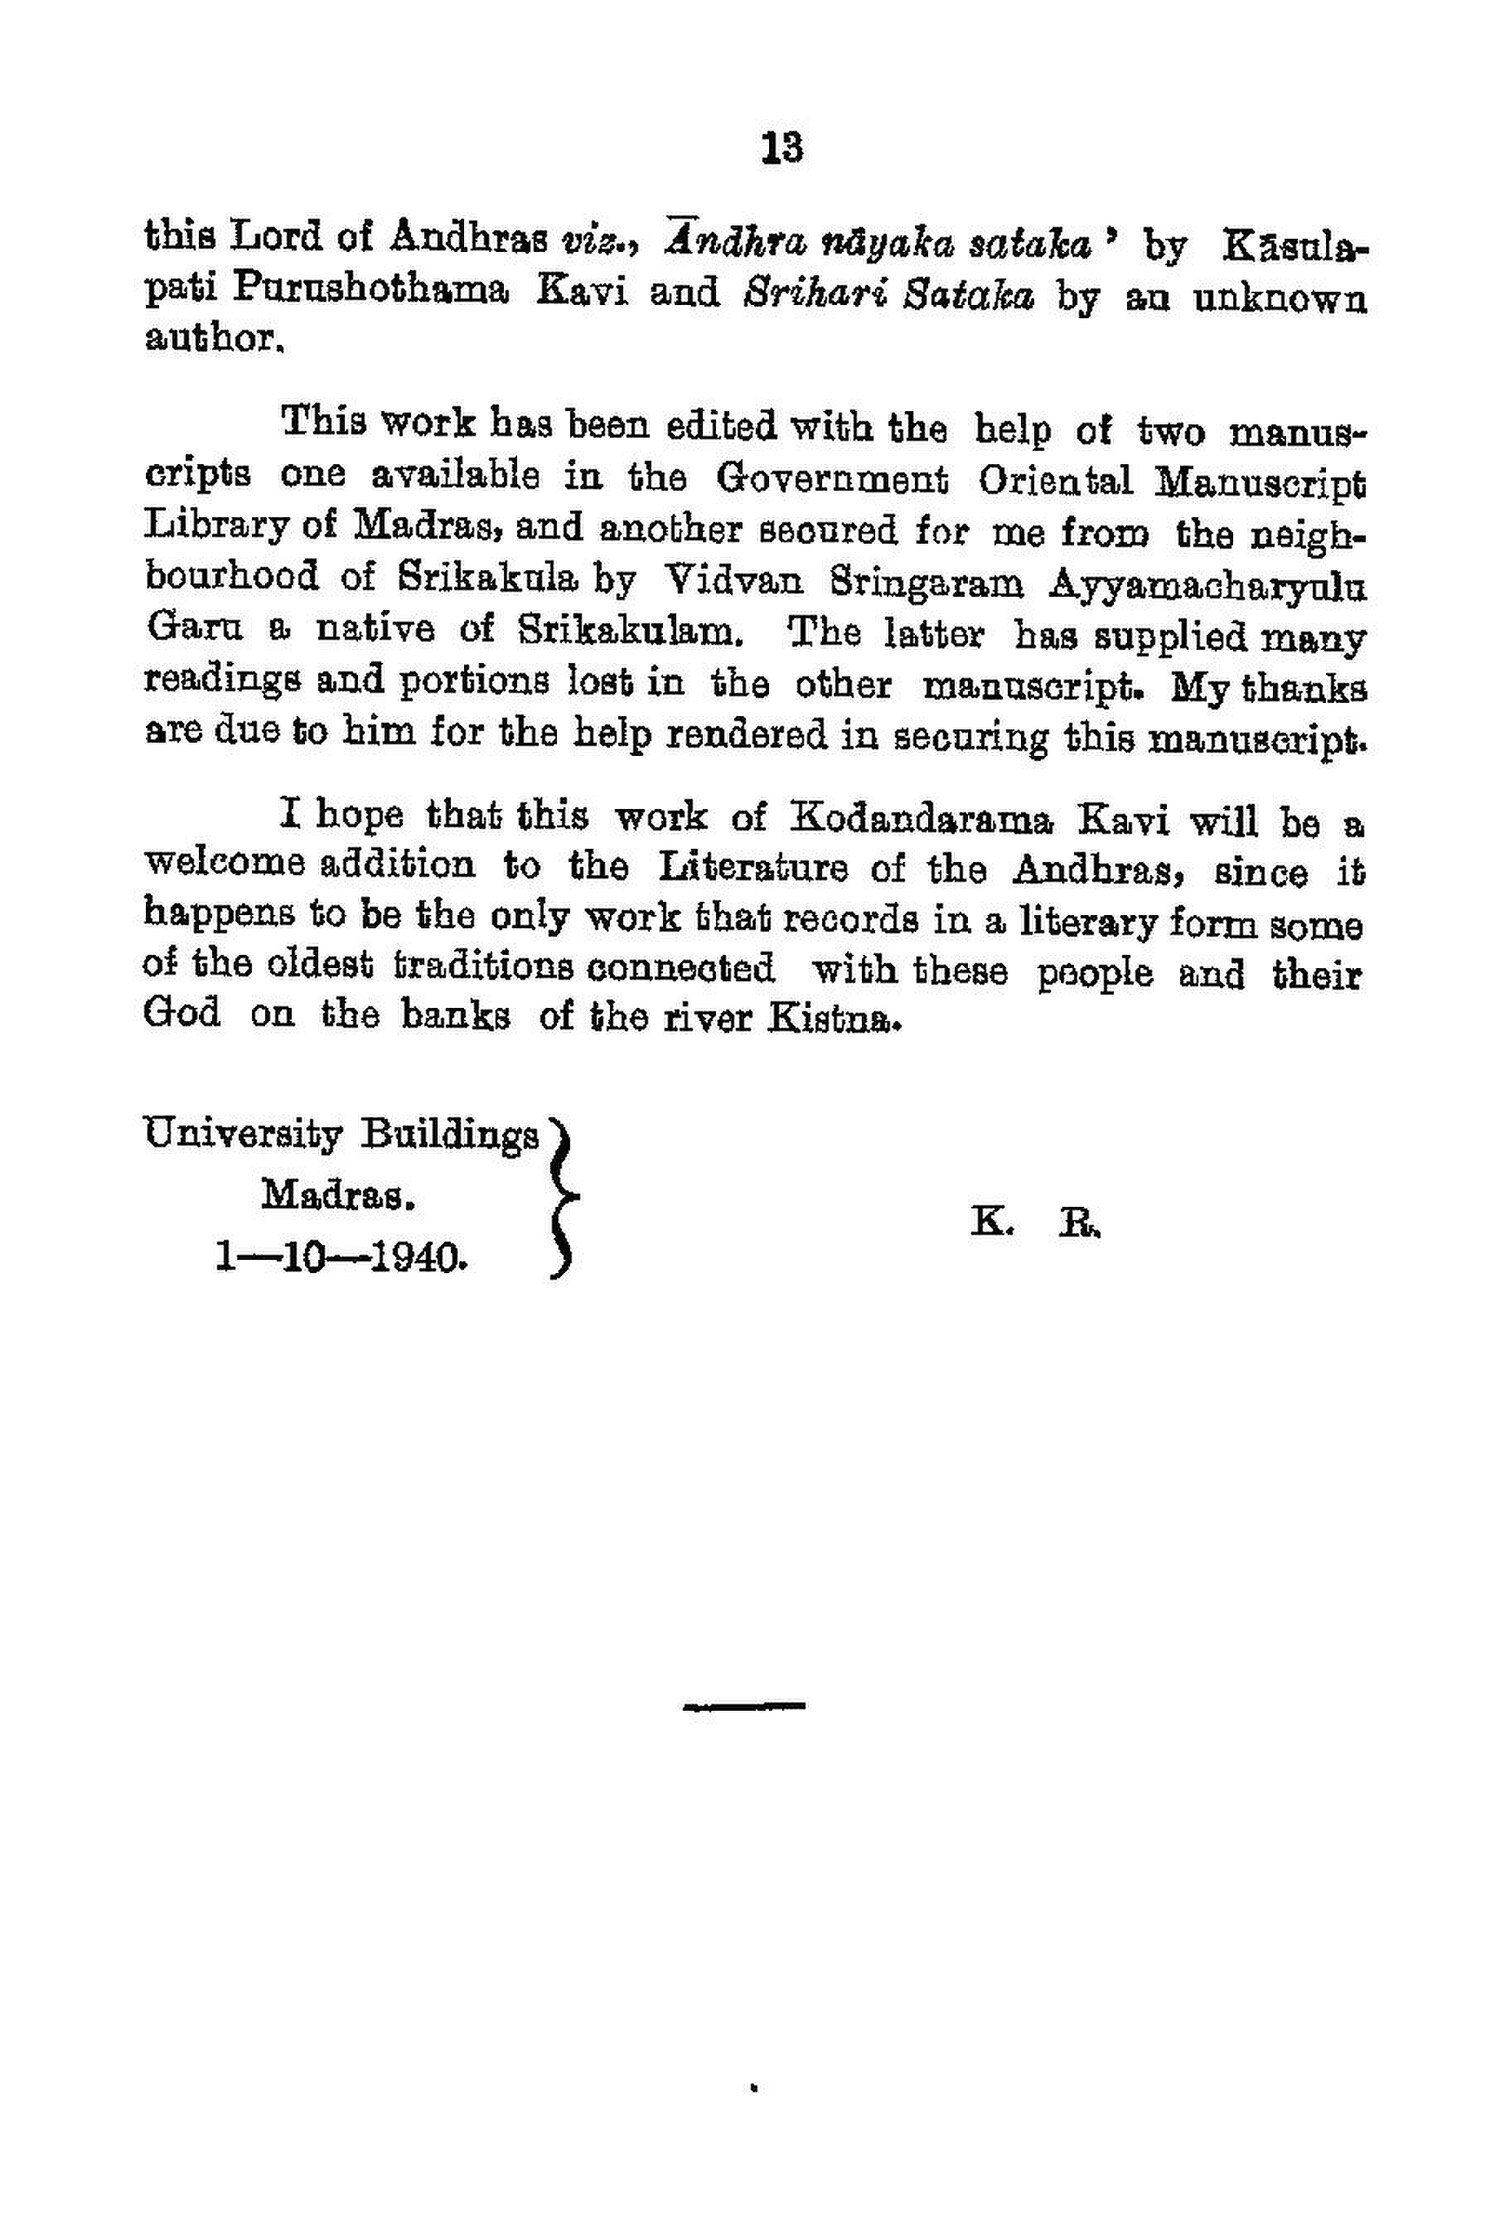this Lord of Andhras viz., Andhra nayaka sataka' by Käsulapati Purushothama Kavi and Srihari Sataka by an unknown author.

This work has been edited with the help of two manuscripts one available in the Government Oriental Manuscript Library of Madras, and another secured for me from the neighbourhood of Srikakula by Vidvan Sringaram Ayyamacharyulu Garu a native of Srikakulam. The latter has supplied many readings and portions lost in the other manuscript. My thanks are due to him for the help rendered in securing this manuscript.

I hope that this work of Kodandarama Kavi will be a welcome addition to the Literature of the Andhras, since it happens to be the only work that records in a literary form some of the oldest traditions connected with these people and their God on the banks of the river Kistna.

University Buildings
Madras.
1-10-1940.